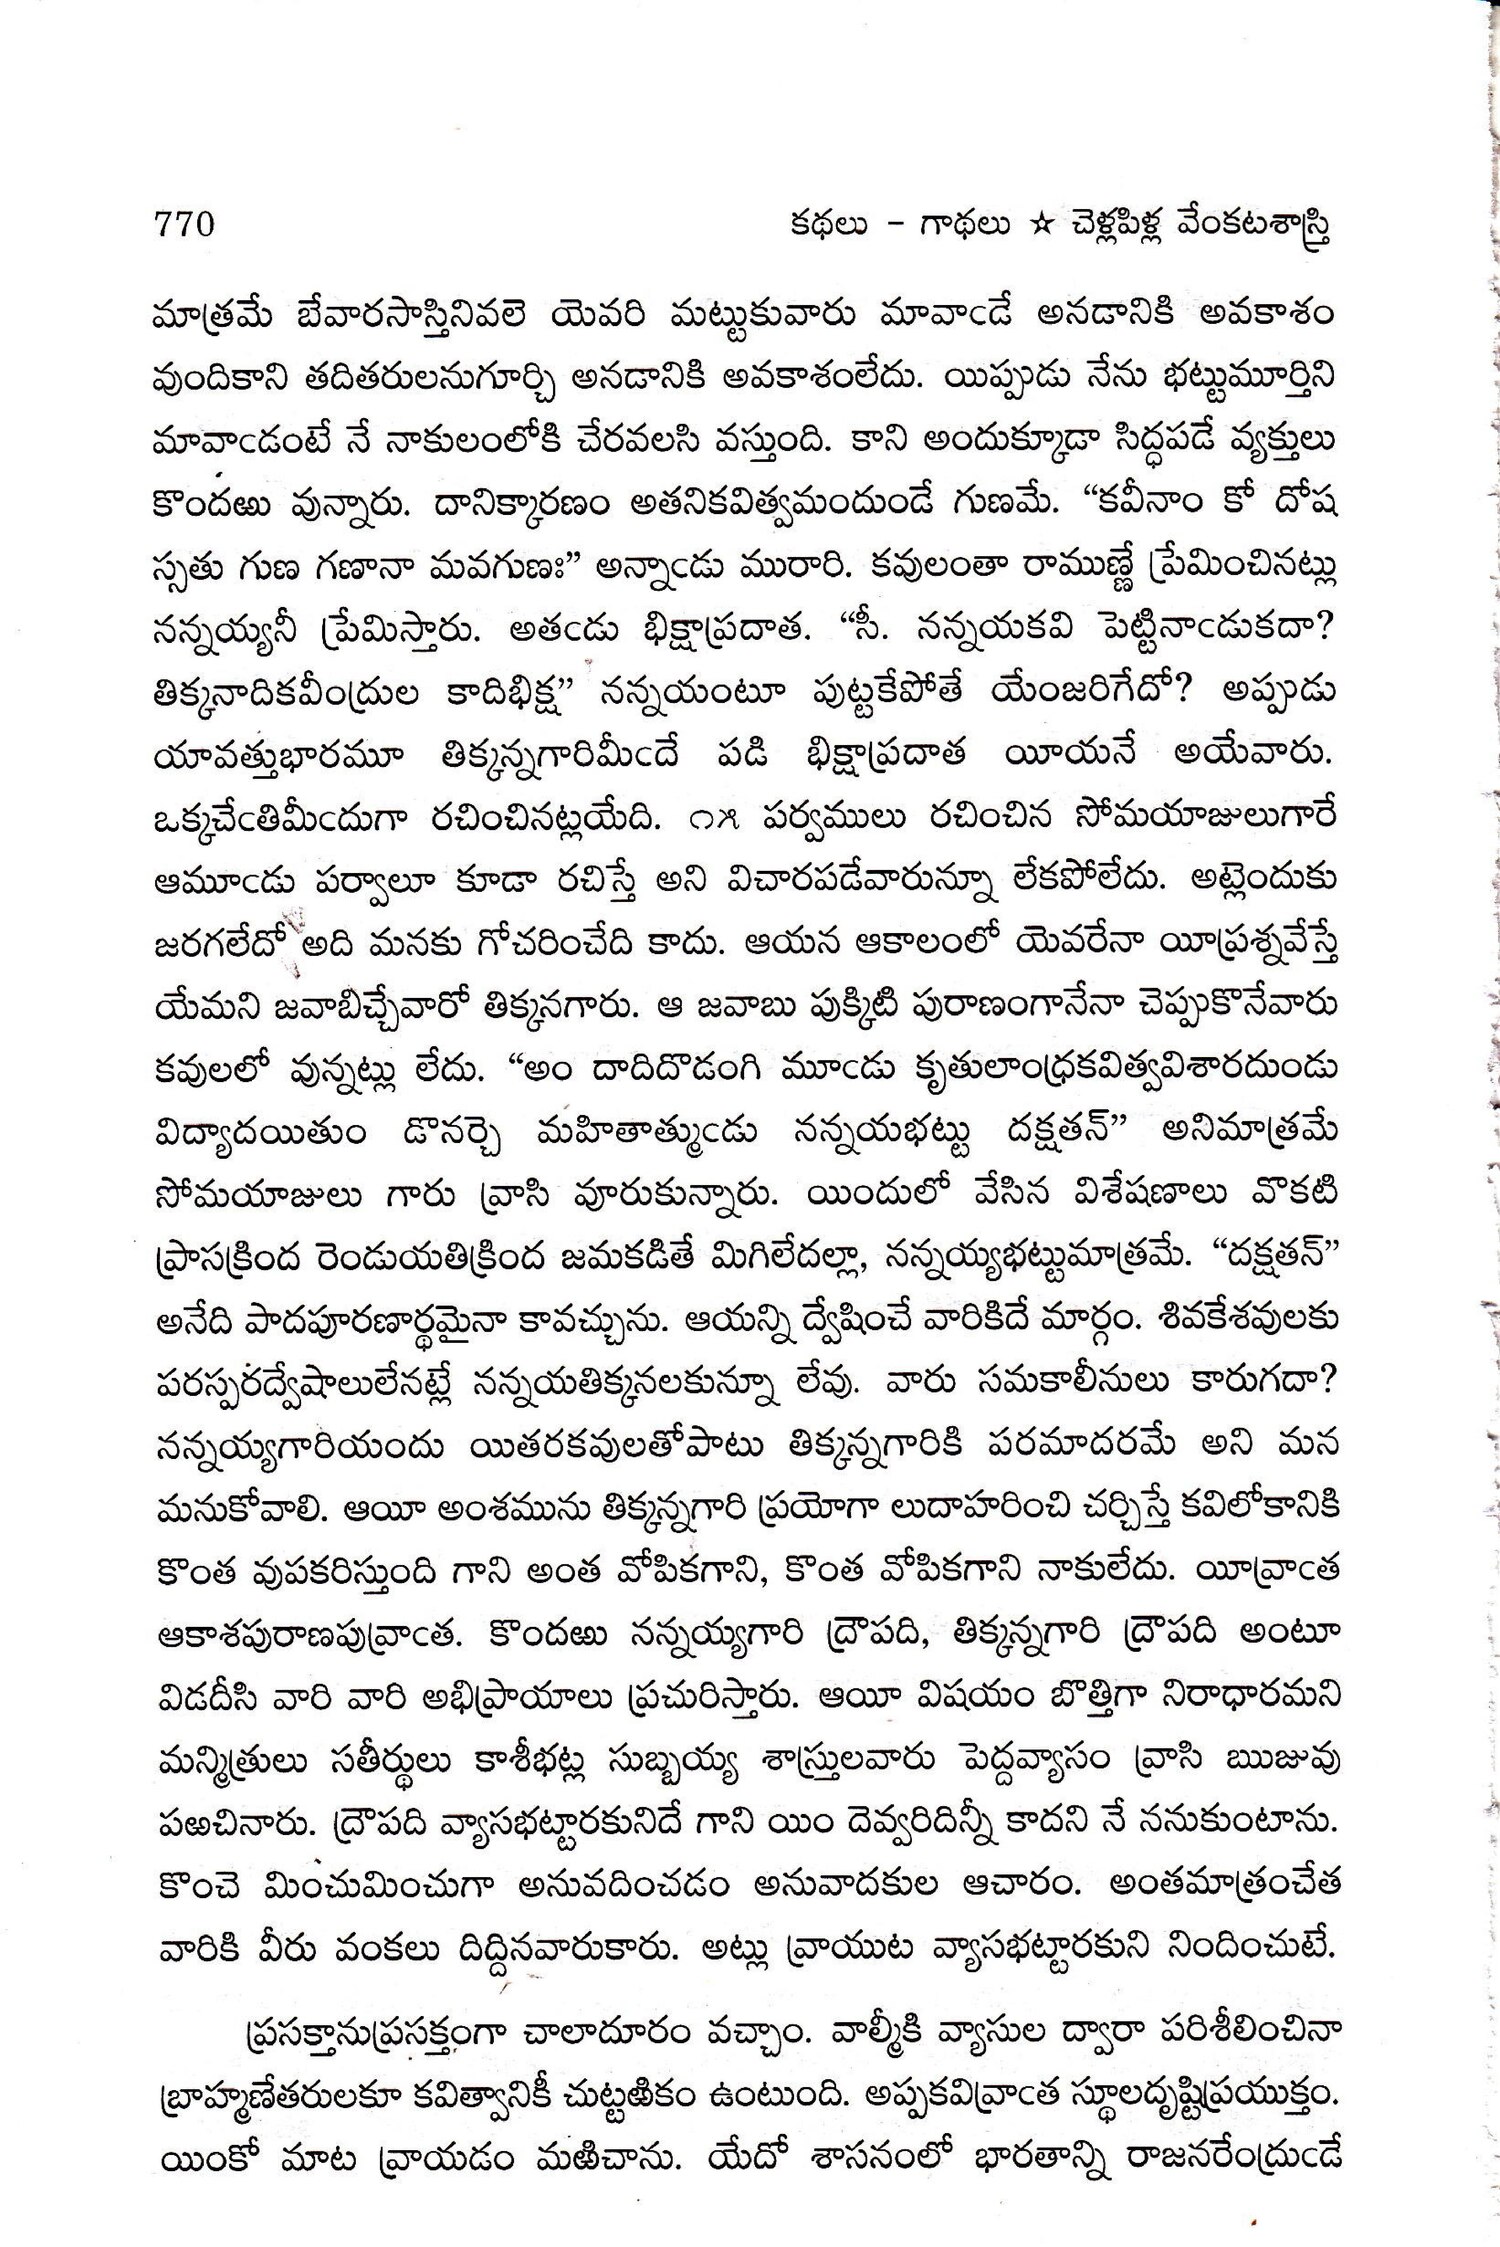మాత్రమే బేవారసాస్తినివలె యెవరి మట్టుకువారు మావాఁడే అనడానికి అవకాశం వుందికాని తదితరులనుగూర్చి అనడానికి అవకాశంలేదు. యిప్పుడు నేను భట్టుమూర్తిని మావాఁడంటే నే నాకులంలోకి చేరవలసి వస్తుంది. కాని అందుక్కూడా సిద్ధపడే వ్యక్తులు కొందఱు వున్నారు. దానిక్కారణం అతనికవిత్వమందుండే గుణమే. "కవీనాం కో దోష స్సతు గుణ గణానా మవగుణః" అన్నాఁడు మురారి. కవులంతా రాముణ్ణే ప్రేమించినట్లు నన్నయ్యనీ ప్రేమిస్తారు. అతఁడు భిక్షాప్రదాత, “సీ. నన్నయకవి పెట్టినాఁడుకదా? తిక్కనాదికవీంద్రుల కాదిభిక్ష" నన్నయంటూ పుట్టకేపోతే యేంజరిగేదో? అప్పుడు యావత్తుభారమూ తిక్కన్నగారిమీఁదే పడి భిక్షాప్రదాత యీయనే అయేవారు. ఒక్కచేఁతిమీఁదుగా రచించినట్లయేది. 15 పర్వములు రచించిన సోమయాజులుగారే ఆమూఁడు పర్వాలూ కూడా రచిస్తే అని విచారపడేవారున్నూ లేకపోలేదు. అట్లెందుకు జరగలేదో అది మనకు గోచరించేది కాదు. ఆయన ఆకాలంలో యెవరేనా యీప్రశ్నవేస్తే యేమని జవాబిచ్చేవారో తిక్కనగారు. ఆ జవాబు పుక్కిటి పురాణంగానేనా చెప్పుకొనేవారు కవులలో వున్నట్లు లేదు. “అం దాదిదొడంగి మూఁడు కృతులాంధ్రకవిత్వవిశారదుండు విద్యాదయితుం డొనర్చె మహితాత్ముఁడు నన్నయభట్టు దక్షతన్" అనిమాత్రమే సోమయాజులు గారు వ్రాసి వూరుకున్నారు. యిందులో వేసిన విశేషణాలు వొకటి ప్రాసక్రింద రెండుయతిక్రింద జమకడితే మిగిలేదల్లా, నన్నయ్యభట్టుమాత్రమే. “దక్షత్రన్" అనేది పాదపూరణార్థమైనా కావచ్చును. ఆయన్ని ద్వేషించే వారికిదే మార్గం. శివకేశవులకు పరస్పరద్వేషాలులేనట్లే నన్నయతిక్కనలకున్నూ లేవు. వారు సమకాలీనులు కారుగదా? నన్నయ్యగారియందు యితరకవులతోపాటు తిక్కన్నగారికి పరమాదరమే అని మన మనుకోవాలి. ఆయీ అంశమును తిక్కన్నగారి ప్రయోగాలుదాహరించి చర్చిస్తే కవిలోకానికి కొంత వుపకరిస్తుంది గాని అంత వోపికగాని, కొంత వోపికగాని నాకులేదు. యీ వ్రాఁత ఆకాశపురాణపు వ్రాఁత. కొందఱు నన్నయ్యగారి ద్రౌపది, తిక్కన్నగారి ద్రౌపది అంటూ విడదీసి వారి వారి అభిప్రాయాలు ప్రచురిస్తారు. ఆయీ విషయం బొత్తిగా నిరాధారమని మన్మిత్రులు సతీర్థులు కాశీభట్ల సుబ్బయ్య శాస్త్రులవారు పెద్దవ్యాసం వ్రాసి ఋజువు పఱచినారు. ద్రౌపది వ్యాసభట్టారకునిదే గాని యిం దెవ్వరిదిన్నీ కాదని నే ననుకుంటాను. కొంచె మించుమించుగా అనువదించడం అనువాదకుల ఆచారం. అంతమాత్రంచేత వారికి వీరు వంకలు దిద్దినవారుకారు. అట్లు వ్రాయుట వ్యాసభట్టారకుని నిందించుటే.

ప్రసక్తానుప్రసక్తంగా చాలాదూరం వచ్చాం. వాల్మీకి వ్యాసుల ద్వారా పరిశీలించినా బ్రాహ్మణేతరులకూ కవిత్వానికీ చుట్టఱికం ఉంటుంది. అప్పకవివ్రాఁత స్థూలదృష్టిప్రయుక్తం. యింకో మాట వ్రాయడం మఱిచాను. యేదో శాసనంలో భారతాన్ని రాజనరేంద్రుఁడే